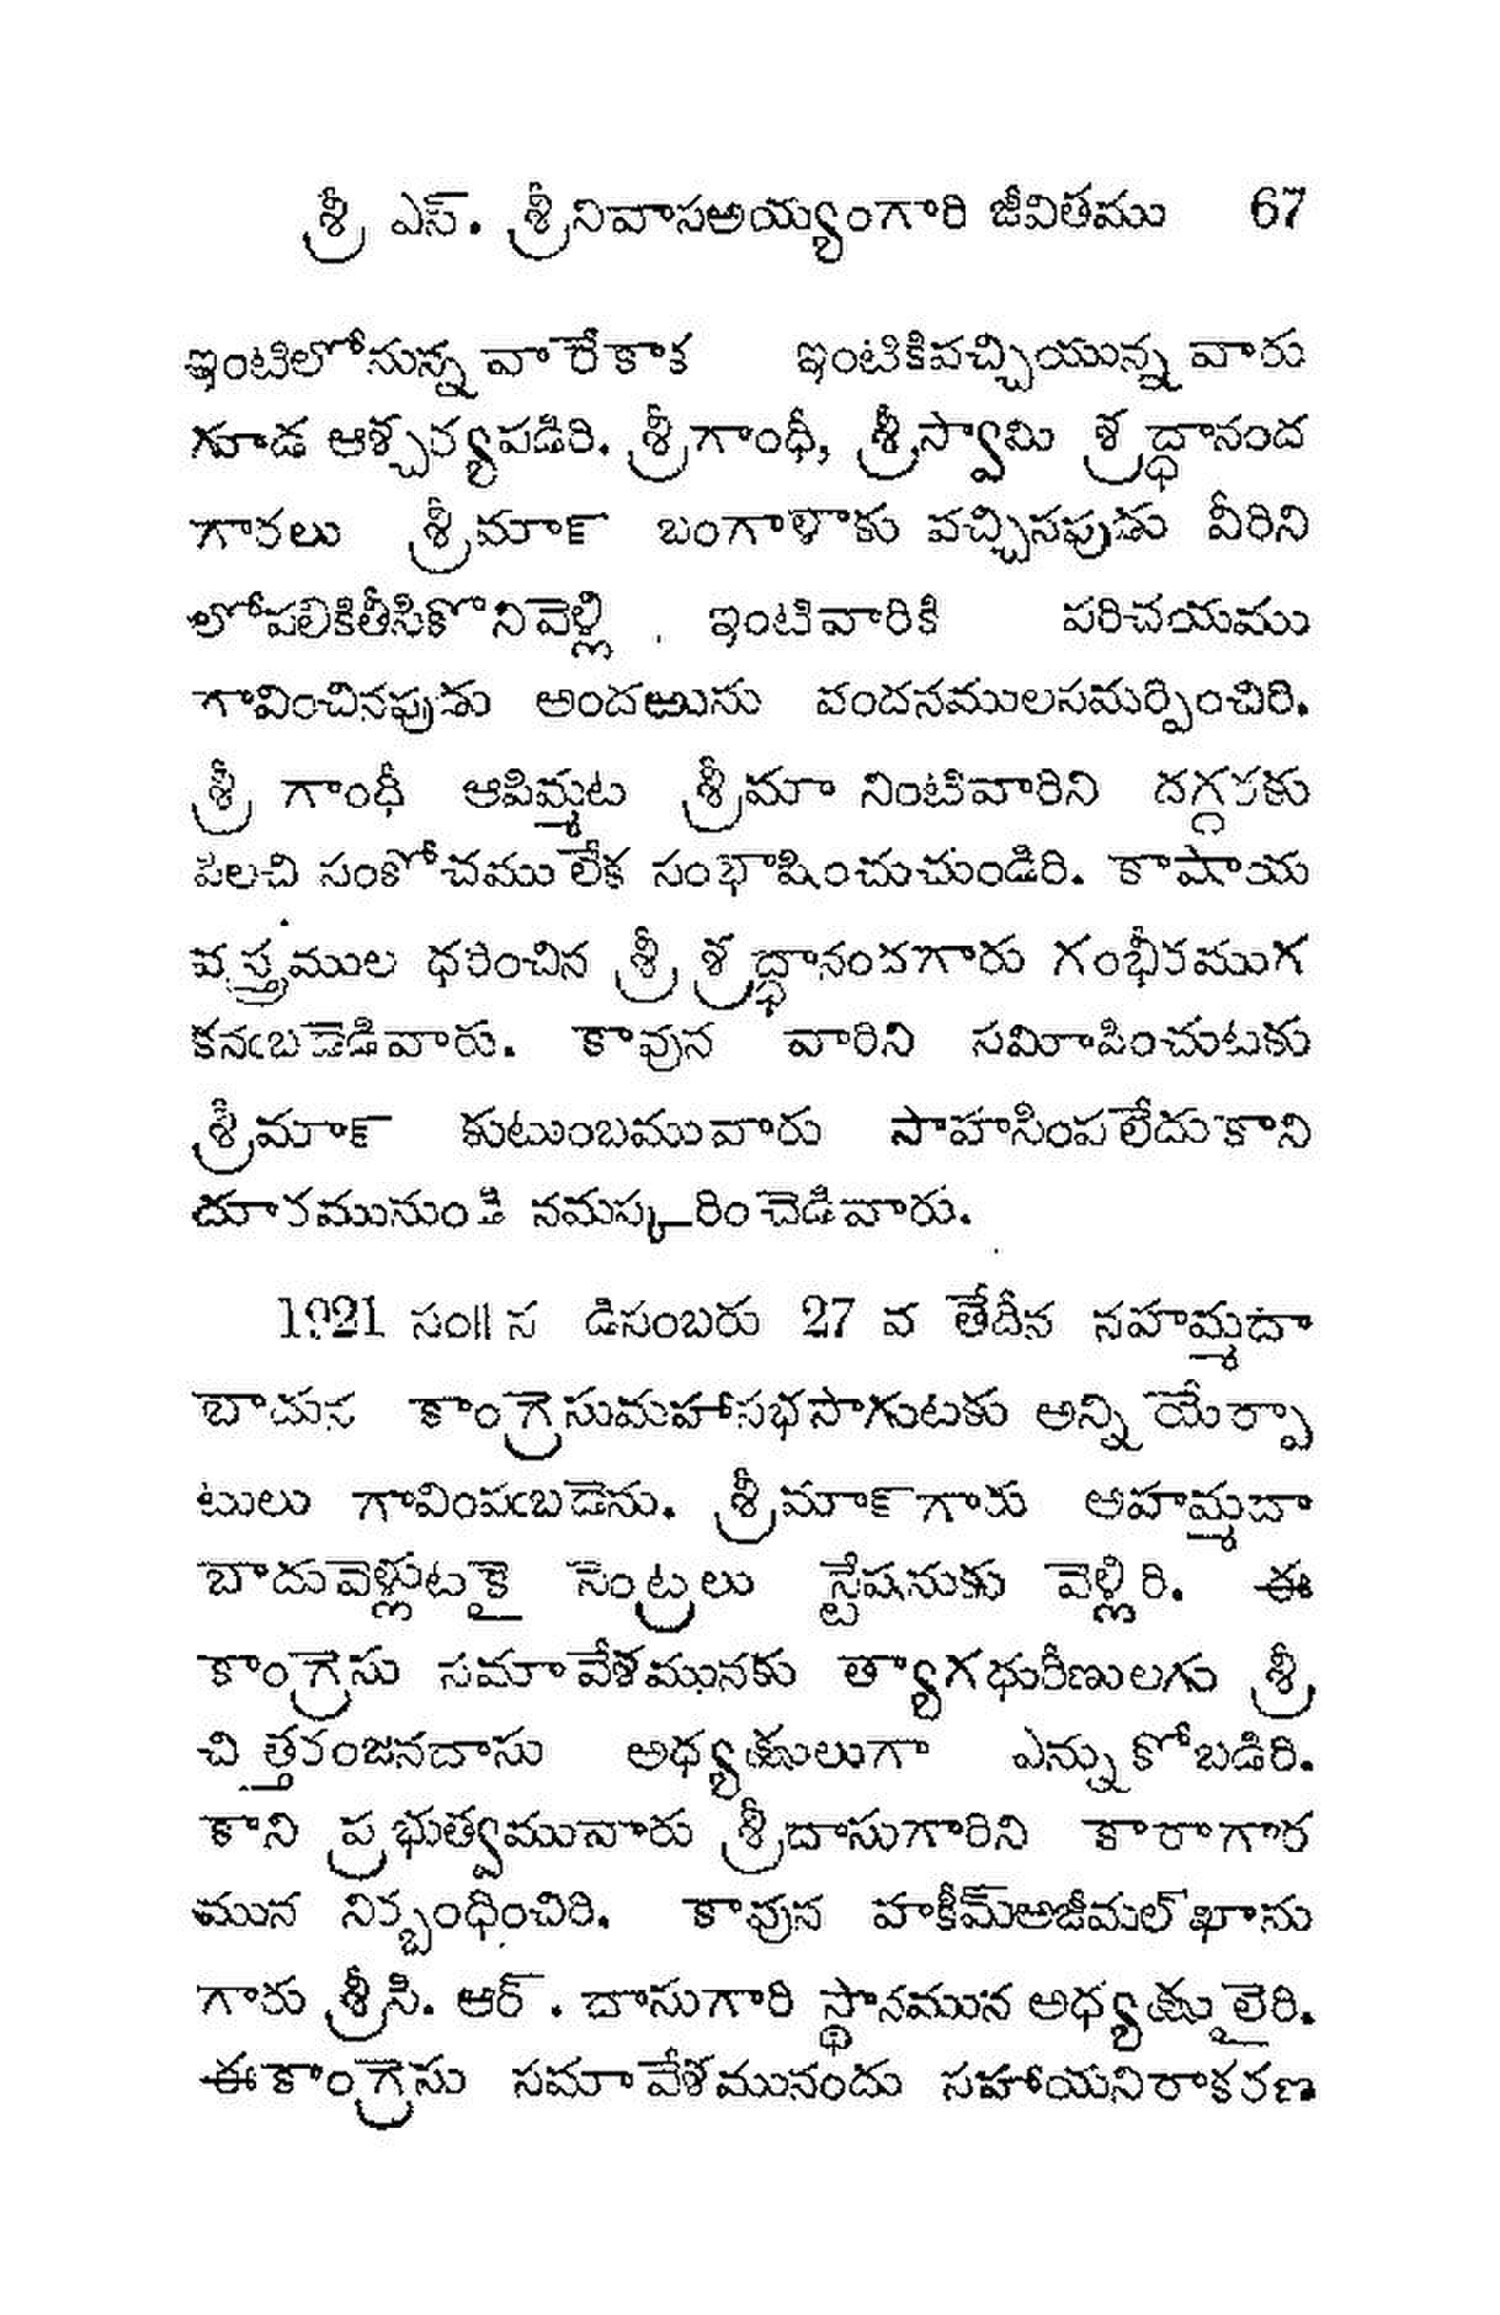ఇంటిలోనున్నవారేకాక ఇంటికివచ్చియున్నవారు గూడ ఆశ్చర్యపడిరి. శ్రీగాంధీ, శ్రీస్వామి శ్రద్ధానందగారలు శ్రీమా౯ బంగాళాకు వచ్చినపుడు వీరిని లోపలికితీసికొనివెళ్లి ఇంటివారికి పరిచయము గావించినపుడు అందఱును వందనములసమర్పించిరి. శ్రీ గాంధీ ఆపిమ్మట శ్రీమా నింటివారిని దగ్గరకుపిలచి సంకోచములేక సంభాషించుచుండిరి. కాషాయ వస్త్రముల ధరించిన శ్రీశ్రద్ధానందగారు గంభీరముగ కనఁబడెడివారు. కావున వారిని సమీపించుటకు శ్రీమా౯ కుటుంబమువారు సాహసింపలేదుకాని దూరమునుండి నమస్కరించెడివారు.

1921 సం!! స డిసంబరు 27 వ తేదీన నహమ్మదాబాదున కాంగ్రెసుమహాసభసాగుటకు అన్ని యేర్పాటులు గావింపఁబడెను. శ్రీమా౯గారు అహమ్మదాబాదువెళ్లుటకై సెంట్రలు స్టేషనుకు వెళ్లిరి. ఈ కొంగ్రెసు సమావేశమునకు త్యాగధురీణులగు శ్రీ చిత్తరంజనదాసు అధ్యక్షులుగా ఎన్నుకోబడిరి. కాని ప్రభుత్వమువారు శ్రీదాసుగారిని కారాగారమున నిర్బంధించిరి. కావున హకీమ్‌అజీమల్‌ఖాను గారు శ్రీ సి. ఆర్. దాసుగారి స్థానమున అధ్యక్షులైరి. ఈకాంగ్రెసు సమావేశమునందు సహాయనిరాకరణ